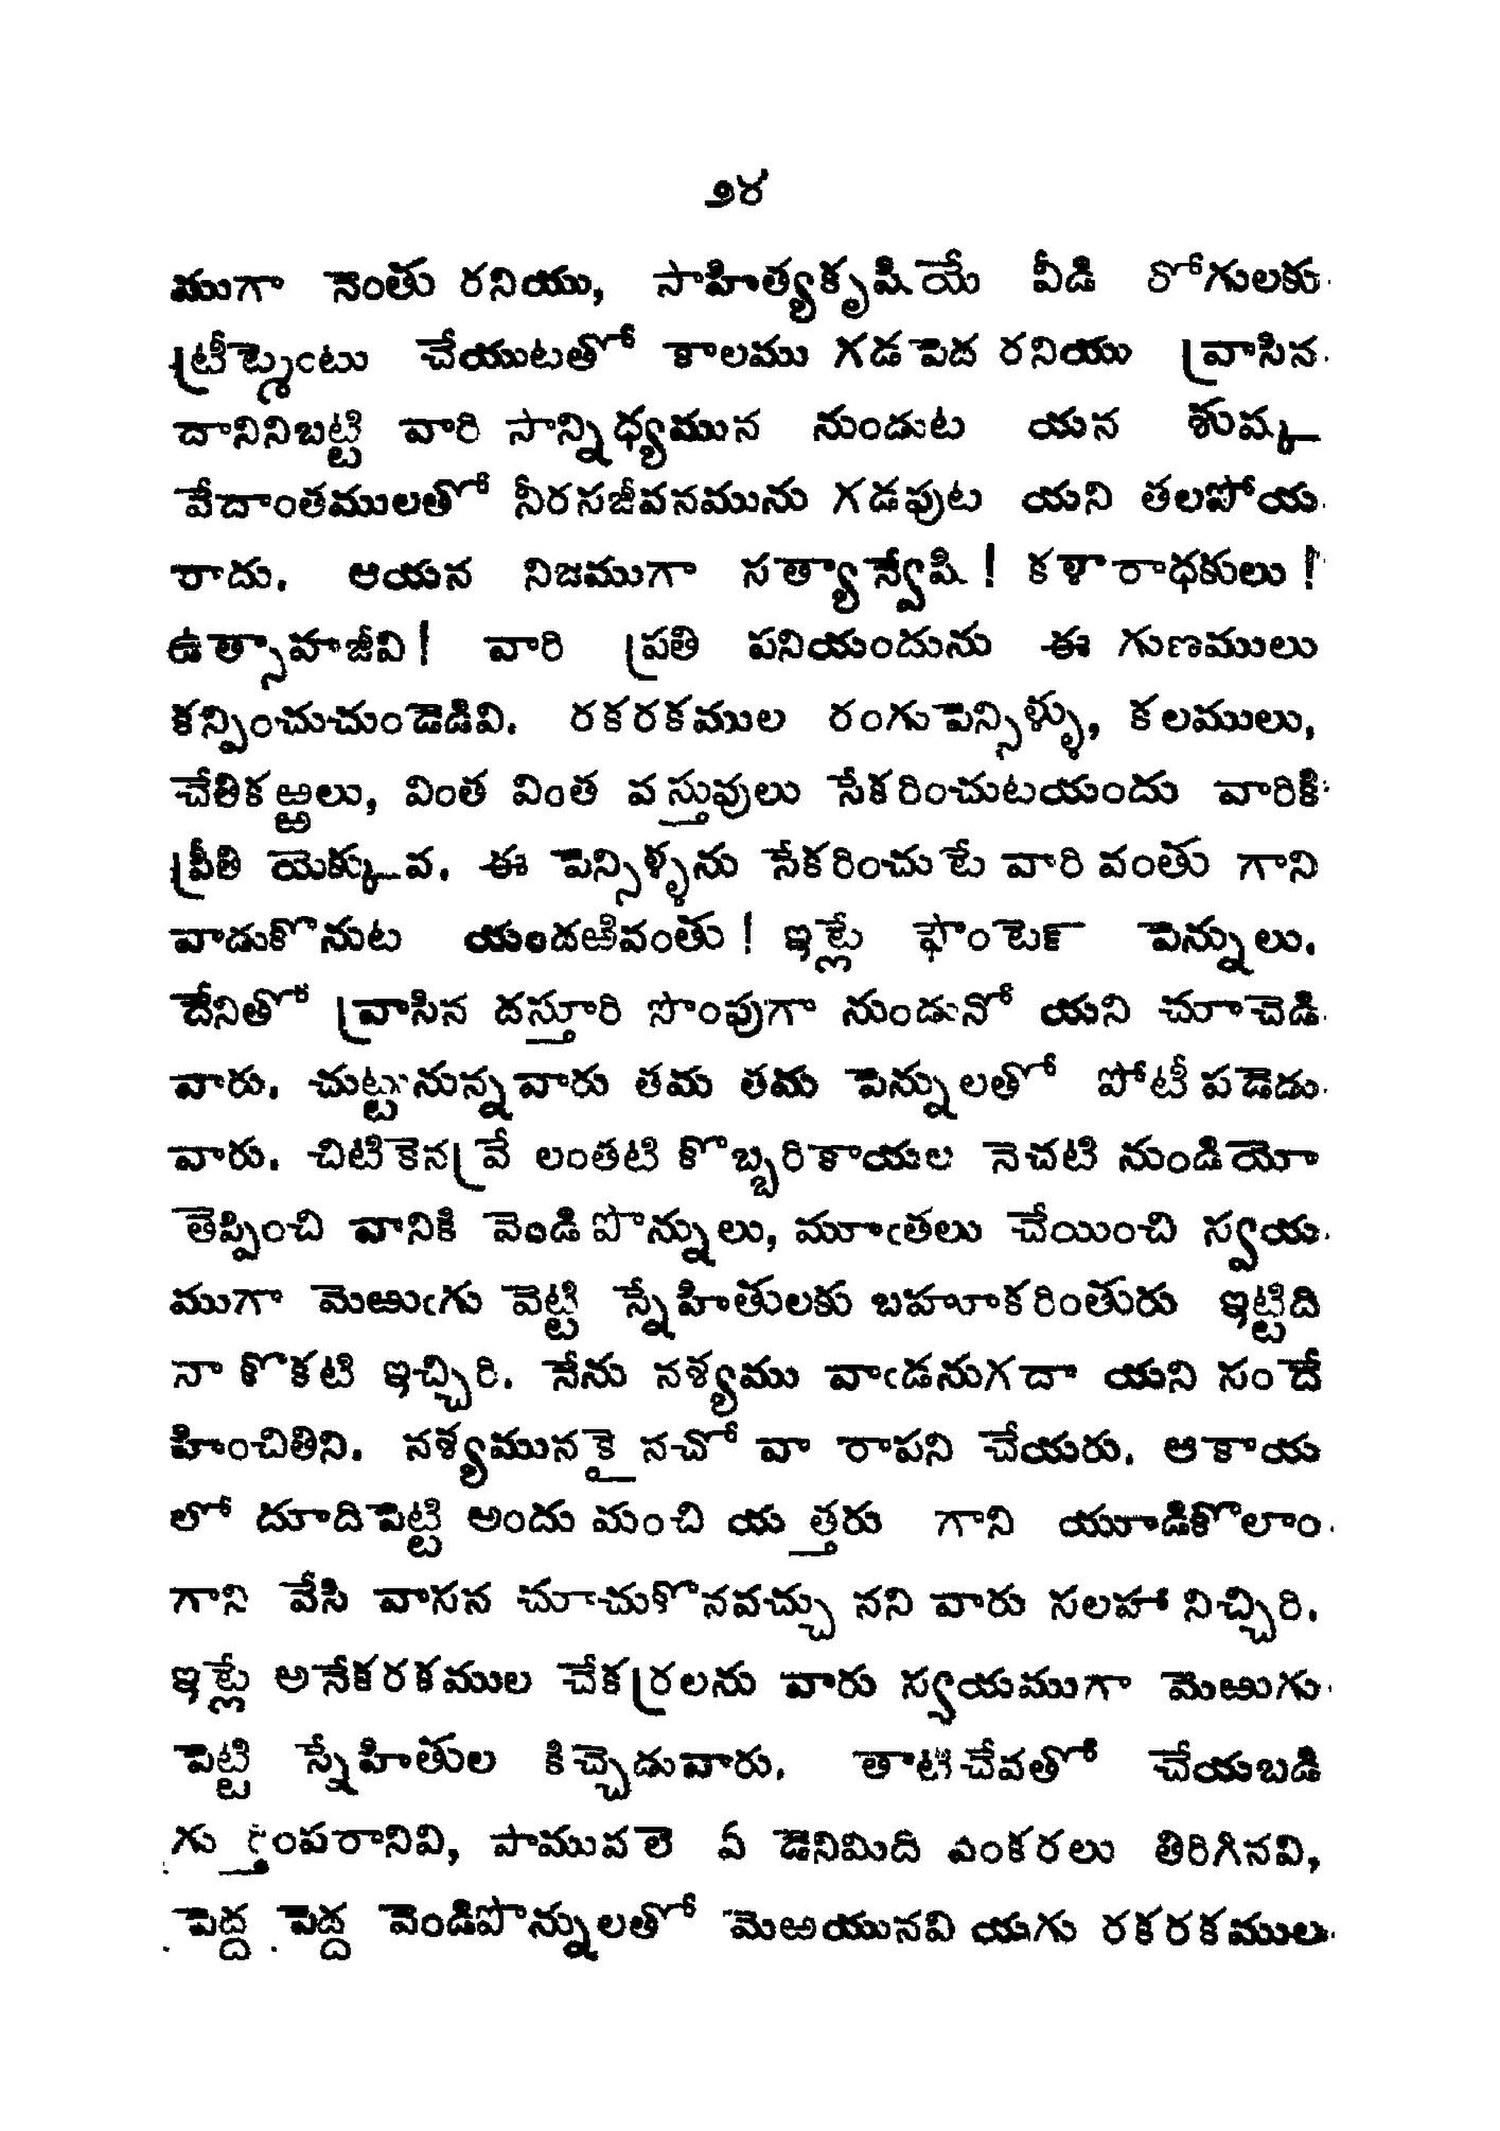ముగా నెంతురనియు, సాహిత్య కృషి యే వీడి రోగులకు ట్రీట్మెంటు చేయుటతో కాలము గడపెద రనియు వ్రాసిన దానిని బట్టి వారి సాన్నిధ్యమున నుండుట యన శుష్క వేదాంతములతో నీరసజీవనమును గడపుట యని తలపోయరాదు. ఆయన నిజముగా సత్యాన్వేషి! కళారాధకులు! ఉత్సాహజీవి! వారి ప్రతి పనియందును ఈ గుణములు కన్పించుచుండెడివి. రకరకముల రంగుపెన్సిళ్ళు, కలములు, చేతికఱ్ఱలు, వింత వింత వస్తువులు సేకరించుటయందు వారికి ప్రీతి యెక్కువ. ఈ పెన్సిళ్ళను సేకరించుటే వారి వంతు గాని వాడుకొనుట యందఱివంతు! ఇట్లే ఫౌంటెన్ పెన్నులు. దేనితో వ్రాసిన దస్తూరి సొంపుగా నుండునో యని చూచెడి వారు. చుట్టునున్నవారు తమ తమ పెన్నులతో పోటిపడెడు వారు. చిటికెనవ్రే లంతటి కొబ్బరికాయల నెచటి నుండియో తెప్పించి వానికి వెండి పొన్నులు, మూఁతలు చేయించి స్వయముగా మెఱుఁగు వెట్టి స్నేహితులకు బహూకరింతురు. ఇట్టిది నాకొకటి ఇచ్చిరి. నేను నశ్యము వాడనుగదా యని సందేహించితిని. నశ్యమునకైనచో వా రాపని చేయరు. ఆకాయలో దూదిపెట్టి అందు మంచి యత్తరు గాని యూడికొలాం గాని వేసి వాసన చూచుకొనవచ్చు నని వారు సలహానిచ్చిరి. ఇట్లే అనేకరకముల చేకర్రలను వారు స్వయముగా మెఱుగు పెట్టి స్నేహితుల కిచ్చెడువారు. తాటిచేవతో చేయబడి గుర్తింపరానివి, పామువలె ఏ డెనిమిది వంకరలు తిరిగినవి, పెద్ద పెద్ద వెండిపొన్నులతో మెఱయునవి యగు రకరకముల